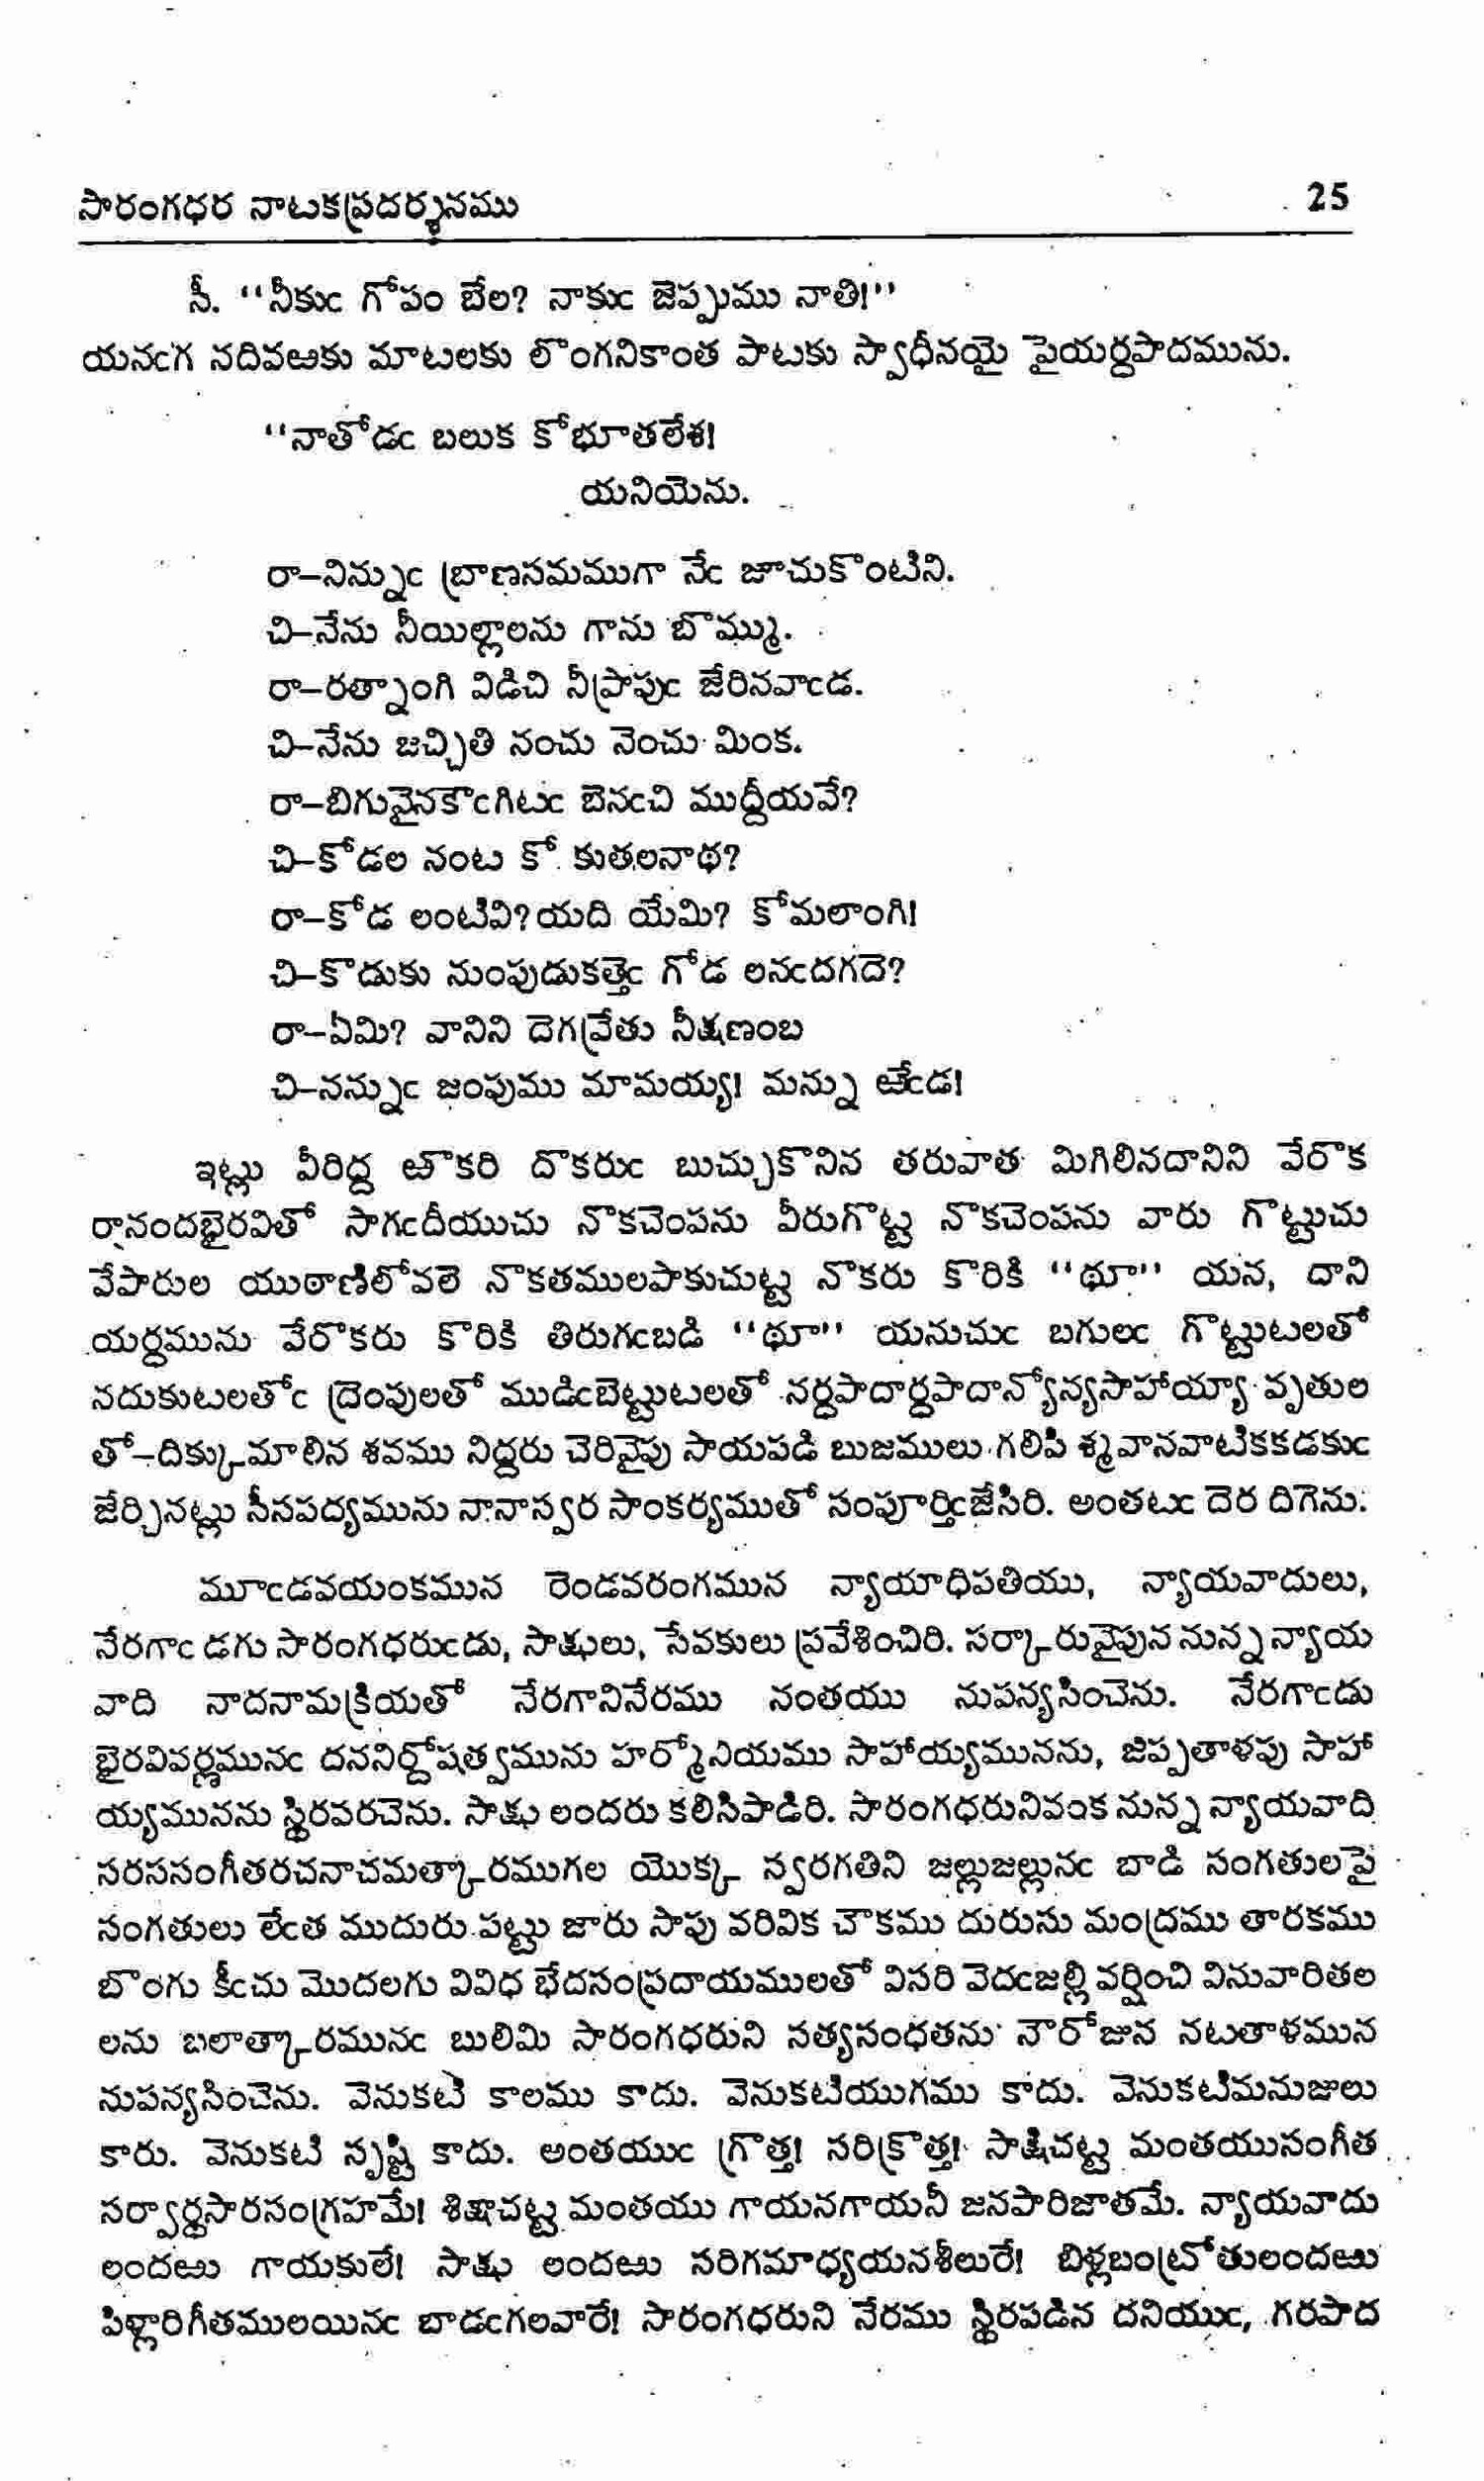సీ. ❝ నీకుఁ గోపం బేల? నాకుఁ జెప్పుము నాతి! ❞
యనఁగ నదివఱకు మాటలకు లొంగనికాంత పాటకు స్వాధీనయై పైయర్ధపాదమును.

ఇట్లు వీరిద్ద ఱొకరి దొకరుఁ బుచ్చుకొనిన తరువాత మిగిలినదానిని వేరొక
రానందభైరవితో సాగఁదీయుచు నొకచెంపను వీరుగొట్ట నొకచెంపను వారు గొట్టుచు
వేపారుల యుఠాణిలోవలె నొకతములపాకుచుట్ట నొకరు కొరికి ❝థూ❞ యన, దాని
యర్ధమును వేరొకరు కొరికి తిరుగఁబడి ❝థూ❞ యనుచుఁ బగులఁ గొట్టుటలతో
నరుకుటలతోఁ ద్రెంపులతో ముడిఁబెట్టుటలతో సర్ధపాదార్ధపాదాన్యోన్యసాహాయ్యా వృతుల
తో దిక్కుమాలిన శవము నిద్దరు చెరివైపు సాయపడి బుజములు గలిపి శ్మవానవాటికకడకుఁ
జేర్చినట్లు సీసపద్యమును నానాస్వర సాంకర్యముతో సంపూర్తిఁజేసిరి. అంతటఁ దెర దిగెను.

మూఁడవయంకమున రెండవరంగమున న్యాయాధిపతియు, న్యాయవాదులు,
నేరగాఁడగుసారంగధరుఁడు, సాక్షులు, సేవకులు ప్రవేశించిరి. సర్కారువైపున నున్నన్యాయ
వాది నాదనామక్రియతో నేరగానినేరము నంతయు నుపన్యసించెను. నేరగాఁడు
భైరవివర్ణమునఁ దననిర్దోషత్వమును హర్మోనియము సాహాయ్యమునను, జప్పతాళపు సాహా
య్యమునను స్థిరపరచెను. సాక్షులందరు కలిసిపాడిరి. సారంగధరునివంకనున్న న్యాయవాది
సరససంగీతరచనాచమత్కారముగల యొక్క స్వరగతిని జల్లుజల్లునఁ బాడి సంగతులపై '
సంగతులు లేత ముదురు పట్టు జారు సాపు వరివిక చౌకము దురుసు మంద్రము తారకము
బొంగు కీఁచు మొదలగు వివిధ భేదసంప్రదాయములతో విసరి వెదఁజల్లి వర్షించి వినువారితల
లను బలాత్కారమునఁ బులిమి సారంగధరుని సత్యసంధతను నౌరోజున నటతాళమున
నుపన్యసించెను. వెనుకటి కాలము కాదు. వెనుకటియుగము కాదు. వెనుకటిమనుజులు
కారు. వెనుకటి సృష్టి కాదు. అంతయుఁ గ్రోత్త! సరిక్రొత్త! సాక్షిచట్ట మంతయుసంగీత.
సర్వార్థసారసంగ్రహమే! శిక్షాచట్ట మంతయు గాయనగాయనీ జనపారిజాతమే. న్యాయవాదులందఱు గాయకులే! సాక్షు లందఱు సరిగమాధ్యయనశీలురే! బిళ్లబంట్రోతులందఱు పిళ్లారిగీతములయినఁ బాడఁగలవారే! సారంగధరుని నేరము స్థిరపడిన దనియుఁ, గరపాద